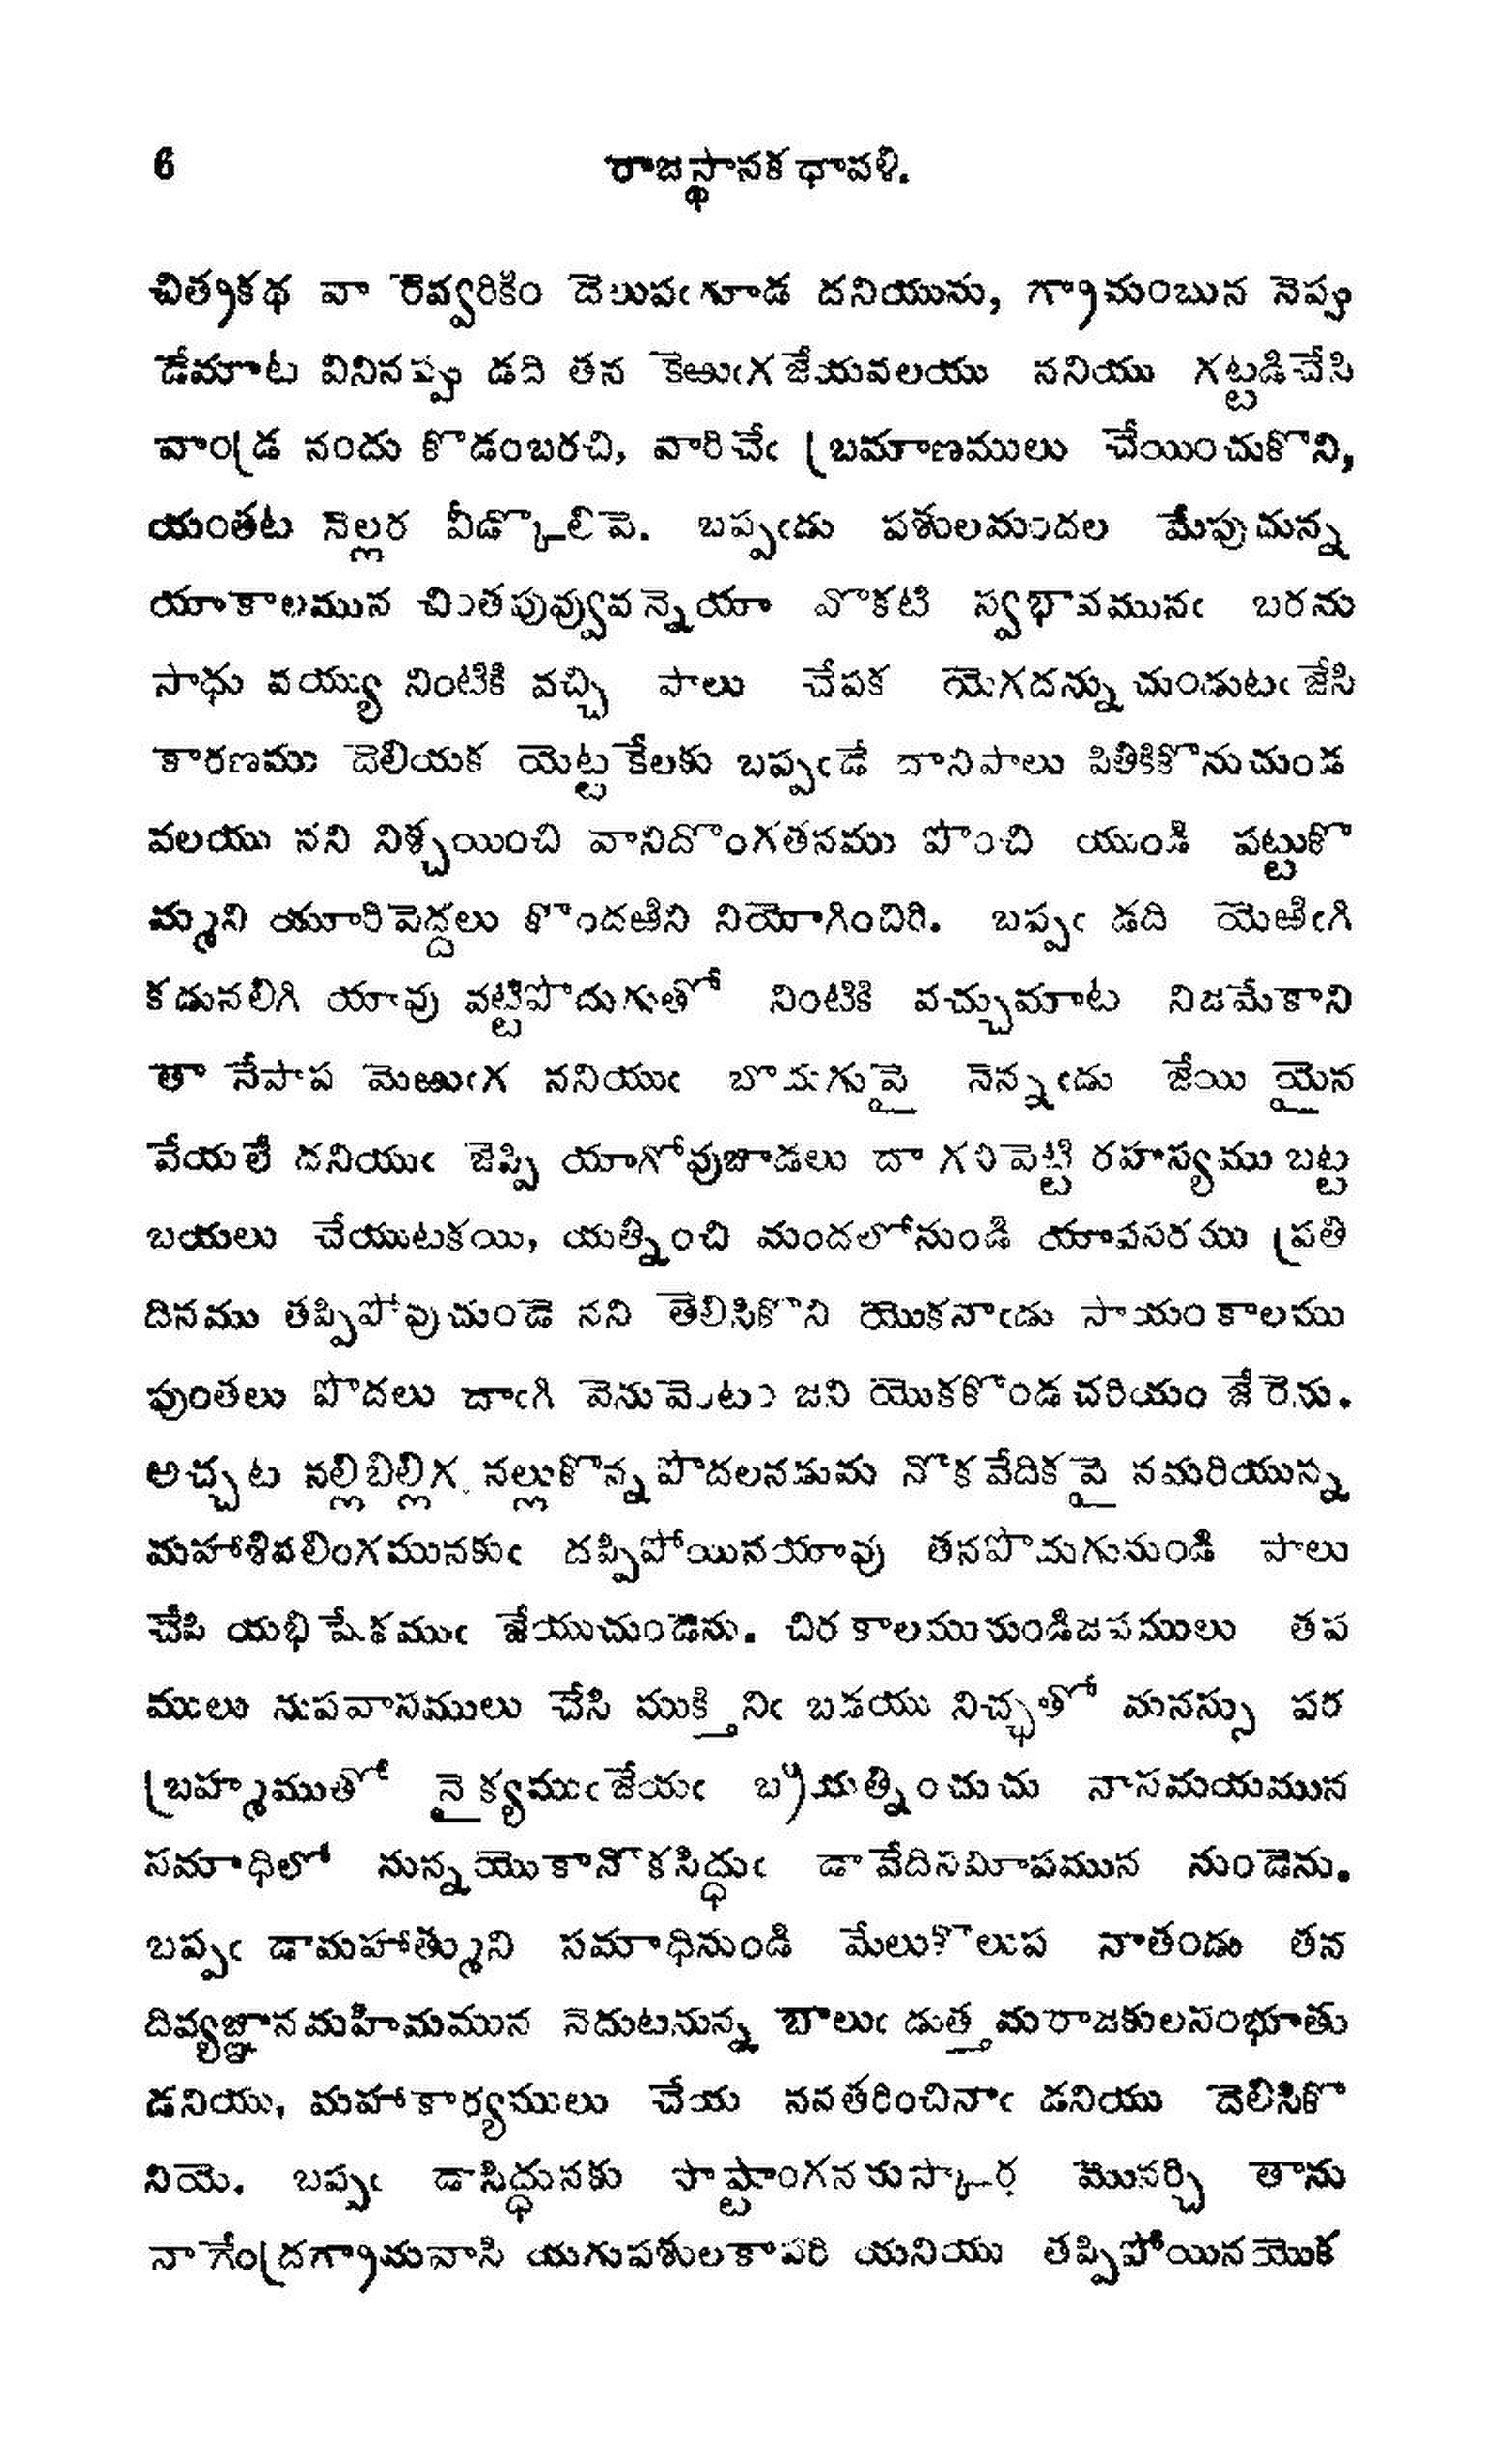చిత్రకథ వారివ్వరికిం దెలుపఁ గూడ దనియును, గ్రామంబున నెప్పుడేమాట వినినప్పుడది తన కేఱుంగ జేయవలయు ననియు గట్టడి చేసి వాండ్ర నందు కొడంబరచి, వారిచేఁ బ్రమాణములు చేయించుకొని, యంతట నెల్లర వీడ్కొలిపె. బప్పఁడు పశులమందల మేపుచున్న యాకాలమున చింతపువ్వువన్నెయా వొకటి స్వభావమునఁ బరమ సాధు వయ్యు నింటికి వచ్చి పాలు చేపక యెగదన్ను చుండుటఁ జేసి కారణము దెలియక యెట్టకేలకు బప్పఁడే దానిపాలు పితికికొనుచుండ వలయు నని నిశ్చయించి వానిదొంగతనము పొంచి యుండి పట్టుకొమ్మని యూరి పెద్దలు కొందఱిని నియోగించిరి. బప్పఁ డది యెఱిఁగి కడునలిగి యావు వట్టిపోదుగుతో నింటికి వచ్చుమాట నిజమే కాని తానేపాప మెఱుఁగ ననియుఁ బొదుగుపై నెన్నఁడు జేయి యైన వేయ లేదనియుఁ జెప్పి యాగోవు జాడలు దా గని పెట్టి రహస్యము బట్టబయలు చేయుటకయి, యత్నించి మందలోనుండి యావసరము ప్రతిదినము తప్పిపోవుచుండె నని తెలిసికొని యొకనాఁడు సాయంకాలము పుంతలు పొదలు దాఁగి వెను వెంటం జని యొక కొండ చరియం జేరెను. అచ్చట నల్లి బిల్లిగ, నల్లుకొన్న పొదలనడుమ నొక వేదిక పై నమరియున్న మహాశివలింగమునకుఁ దప్పిపోయినయావు తనపొదుగునుండి పాలు చేపి యభిషేకముఁ జేయుచుండెను. చిర కాలము నుండి జపములు తపములు నుపవాసములు చేసి ముక్తి నిఁబడయు నిచ్ఛతో మనస్సు పరబ్రహ్మముతో నైక్యముఁ జేయఁ బ్రయత్నించుచు నాసమయమున సమాధిలో నున్న యొకానొక సిద్ధుఁడావేది సమీపమున నుండెను. బప్పఁ డామహాత్ముని సమాధినుండి మేలుకొలుప నాతండు తన దివ్యజ్ఞాన మహిమమున నెదుటనున్న బాలుఁ డుత్త మరాజకులసంభూతుడనియు, మహా కార్యములు చేయ నవ తరించినాఁ డనియు దెలిసికోనియె, బప్పఁ డాసిద్ధునకు సాష్టాంగనమస్కార మొనర్చి తాను నాగేంద్రగామవాసి యగు పశుల కాపరి యనియు తప్పిపోయిన యొక